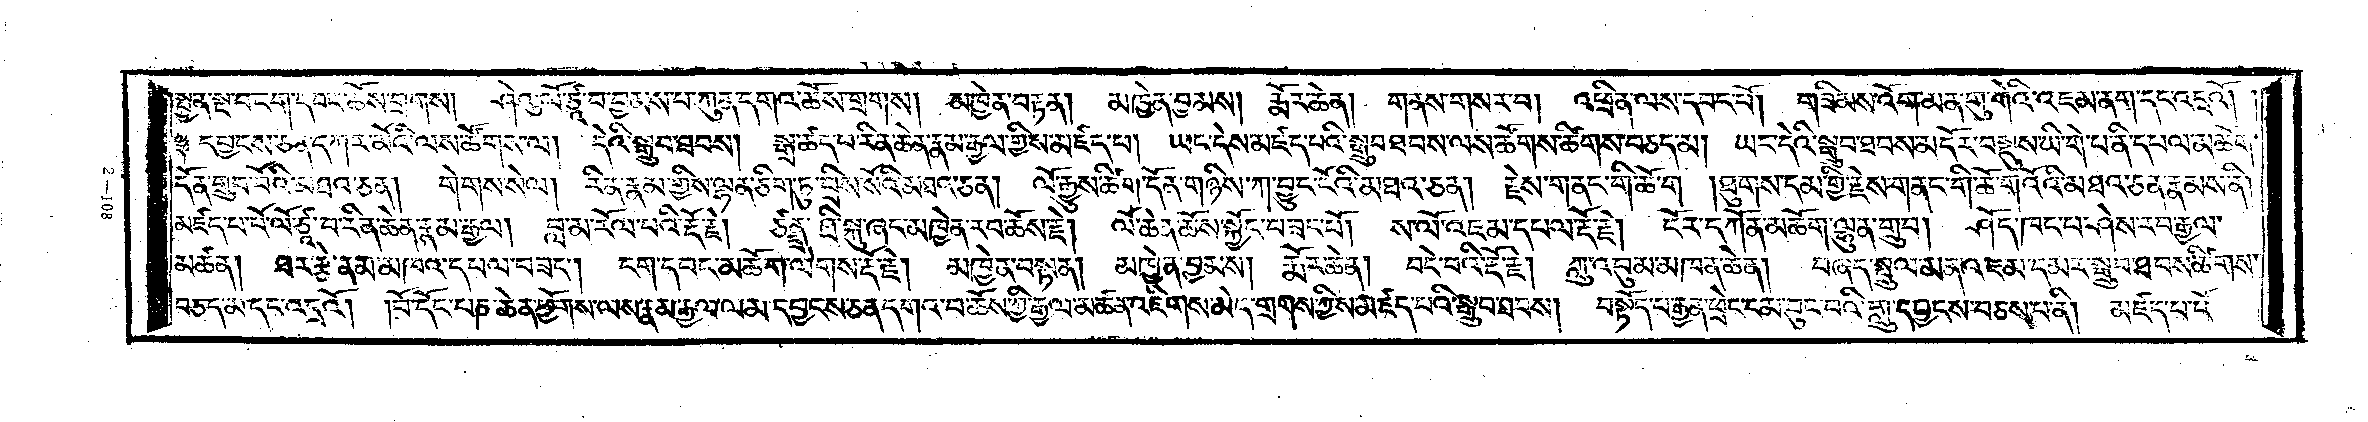སྤྱན་སྔག་ངག་དབང་ཆོས་གྲགས། ཤེའུ་ལོ་ཙཱ་བ་བྱམས་པ་ཀུན་དགའ་ཆོས་གྲགས། མཁྱེན་བརྟན། མཁྱེན་བྱམས། རྨོར་ཆེན། གནས་གསར་བ། འཕྲིན་ལས་དབང་པོ། གཟིམས་འོག་མན་གུ་གེའི་འཇམ་ནག་དང་འདྲའོ། །
༈ དབྱངས་ཅན་དཀར་མོའི་ལས་ཚོགས་ལ། དེའི་སྒྲུབ་ཐབས། སྒྲ་ཚད་པ་རིན་ཆེན་རྣམ་རྒྱལ་གྱིས་མཛད་པ། ཡང་དེས་མཛད་པའི་སྒྲུབ་ཐབས་ལས་ཚོགས་ཚིགས་བཅད་མ། ཡང་དེའི་སྒྲུབ་ཐབས་མདོར་བསྡུས་ཡི་གེ་པ་ནི་དཔལ་མཆོག་
དོན་གྲུབ་བོའི་མཐའ་ཅན། གེགས་སེལ། རིན་རྣམ་གྱིས་ལྷན་ཅིག་ཏུ་བྲིས་སོའི་མཐའ་ཅན། ལོ་རྒྱུས་ཚིག་དོན་གཉིས་ཀ་བྱུང་ངོའི་མཐའ་ཅན། རྗེས་གནང་གི་ཆོ་ག །ཐུགས་དམ་གྱི་རྗེས་གནང་གི་ཆོ་གའོའི་མཐའ་ཅན་རྣམས་ནི།
མཛད་པ་པོ་ལོ་ཙཱ་བ་རིན་ཆེན་རྣམ་རྒྱལ། བླ་མ་རོལ་པའི་རྡོ་རྗེ། ཙནྡྲ་ཤྲི་སྐུ་ཞང་མཁྱེན་རབ་ཆོས་རྗེ། ལོ་ཆེན་ཆོས་སྐྱོང་བཟང་པོ། ས་ལོ་འཇམ་དཔལ་རྡོ་རྗེ། ངོར་དཀོན་མཆོག་ལྷུན་གྲུབ། ཤོད་ཁང་པ་ཤེས་རབ་རྒྱལ་
མཚན། ཐར་རྩེ་ནམ་མཁའ་དཔལ་བཟང་། ངག་དབང་མཆོག་ལེགས་རྡོ་རྗེ། མཁྱེན་བསྟན། མཁྱེན་བྱམས། རྨོར་ཆེན། བདེ་བའི་རྡོ་རྗེ། ཀླུ་འབུམ་མཁན་ཆེན། བཞད་སྤྲུལ་མན་འཇམ་དམར་སྒྲུབ་ཐབས་ཚིགས་
བཅད་མ་དང་འདྲའོ། །བོ་དོང་པཎ་ཆེན་ཕྱོགས་ལས་རྣམ་རྒྱལ་ལམ་དབྱངས་ཅན་དགའ་བ་ཆོས་ཀྱི་རྒྱལ་མཚན་འཇིགས་མེད་གྲགས་ཀྱིས་མཛད་པའི་སྒྲུབ་ཐབས། བསྟོད་པ་རྒྱན་ཕྲེང་ངམ་བུང་བའི་གླུ་དབྱངས་བཅས་པ་ནི། མཛད་པ་པོ་